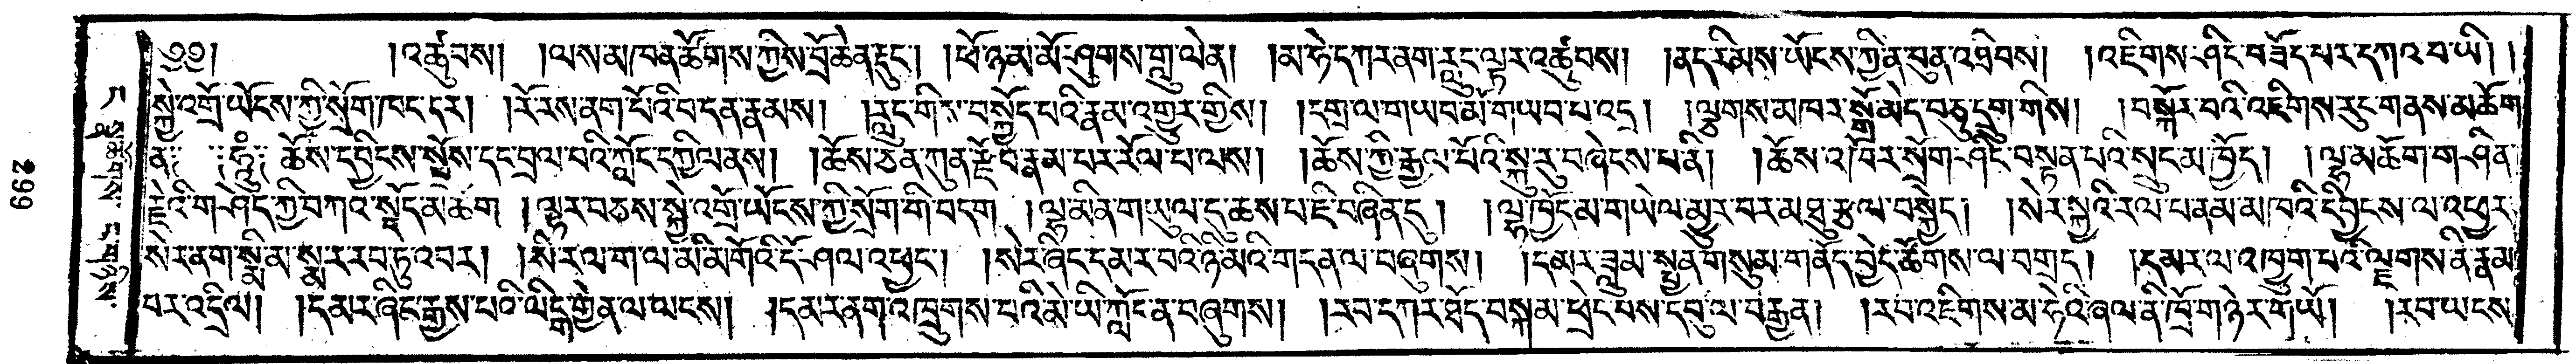༄༅། །འཚུབས། །ལས་མཁན་ཚོགས་ཀྱིས་བྲོ་ཆེན་རྡུང་། །ཕོ་ཉ་མ་མོ་ཤུགས་གླུ་ལེན། །མ་ཧེ་དཀར་ནག་རླུང་ལྟར་འཚུབས། །ནད་རིམས་ཡོངས་ཀྱི་ན་བུན་འཐིབས། །འཇིགས་ཤིང་བཟོད་པར་དཀའ་བ་ཡི། །
སྐྱེ་འགྲོ་ཡོངས་ཀྱི་སྲོག་ཁང་དར། །རོ་རས་ནག་པོའི་བ་དན་རྣམས། །རླུང་གིས་བསྐྱོད་པའི་རྣམ་འགྱུར་གྱིས། །དགྲ་ལ་གཡབ་མོ་གཡབ་པ་འདྲ། །ལྕགས་མཁར་སྒྲོ་མེད་བཅུ་དྲུག་གིས། །བསྐོར་བའི་འཇིགས་རུང་གནས་མཆོག་
ན༑ ༑ཧཱུཾ༑ ཆོས་དབྱིངས་སྤྲོས་དང་བྲལ་བའི་ཀློང་དཀྱིལ་ནས། །ཆོས་ཅན་ཀུན་རྫོབ་རྣམ་པར་རོལ་པ་ལས། །ཆོས་ཀྱི་རྒྱལ་པོའི་སྐུ་རུ་བཞེངས་པ་ནི། །ཆོས་འཁོར་སྲོག་ཤིང་བསྟན་པའི་སྲུང་མ་ཁྱོད། །ལྷ་མཆོག་གཤིན་
རྗེའི་གཤེད་ཀྱི་བཀའ་སྡོད་མཆོག །ལྷར་བཅས་སྐྱེ་འགྲོ་ཡོངས་ཀྱི་སྲོག་གི་བདག །ལྷ་མིན་གཡུལ་དུ་ཆས་པ་ཇི་བཞིན་དུ། །ལྷ་ཁྱོད་མ་གཡེལ་མྱུར་བར་མཐུ་རྩལ་བསྐྱེད། །སེར་སྐྱའི་རལ་པ་ནམ་མཁའི་དབྱིངས་ལ་འཕྱར་
སེར་ནག་སྨི་མ་སྨ་ར་རབ་ཏུ་འབར། །སི་རལ་ག་ལ་མི་མགོའི་དོ་ཤལ་འཕྱང་། །སེར་ཞིང་དམར་བའི་ཉི་མའི་གདན་ལ་བཞུགས། །དམར་ཟླུམ་སྤྱན་གསུམ་གནོད་བྱེད་ཚོགས་ལ་བགྲད། །དམར་ལ་འཁྱུག་པའི་ལྗགས་ནི་རྣམ་
པར་འདྲིལ། །དམར་ཞིང་རྒྱས་པའི་ལིངྒ་གྱེན་ལ་ལངས། །དམར་ནག་འཁྲུགས་པའི་མེ་ཡི་ཀློང་ན་བཞུགས། །རབ་དཀར་ཐོད་བསྐམ་ཕྲེང་བས་དབུ་ལ་བརྒྱན། །རབ་འཇིགས་མ་ཧེའི་ཞལ་ནི་ཁྲོ་གཉེར་གཡོ། །རབ་ཡངས་